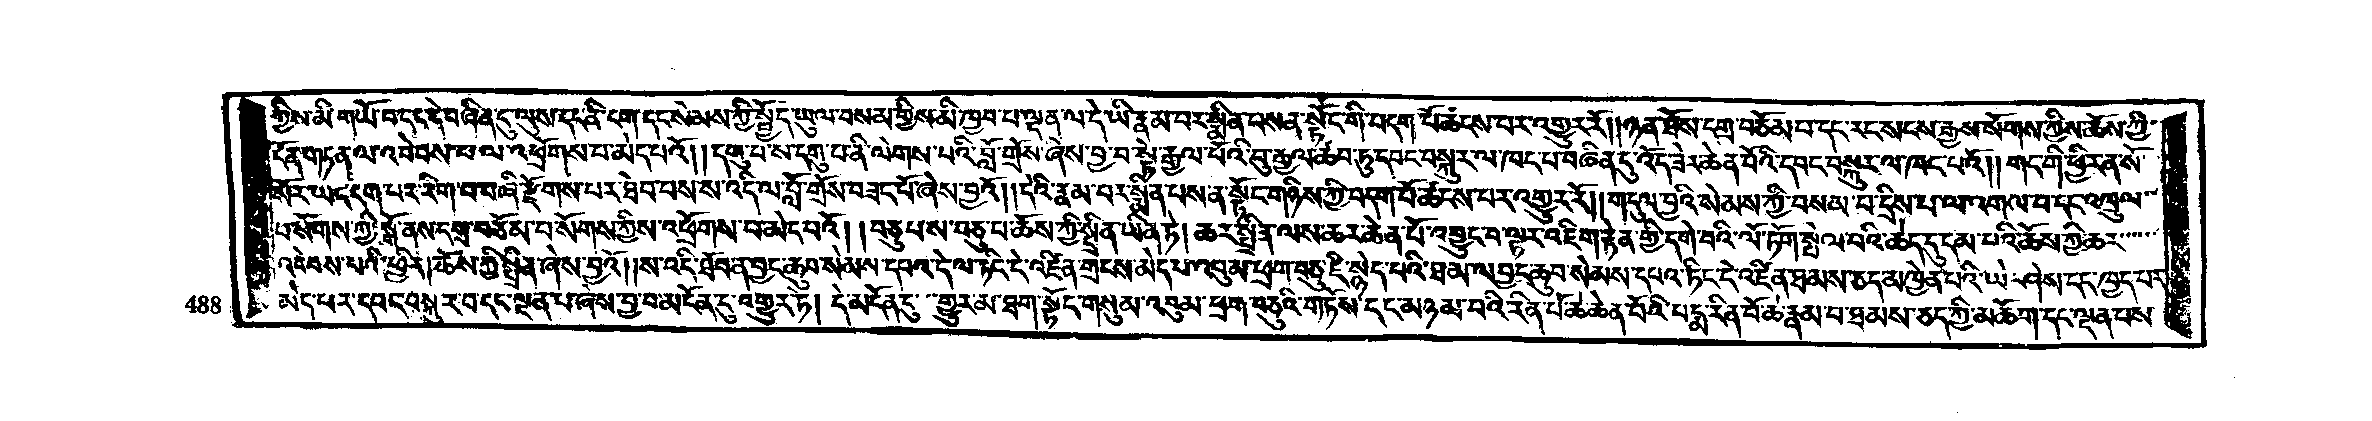ཀྱིས་མི་གཡོ་བ་དང་དེ་བཞིན་དུ་ལུས་དང་ནི་ངག་དང་སེམས་ཀྱི་སྤྱོད་ཡུལ་བསམ་གྱིས་མི་ཁྱབ་པ་ལྡན་ལ་དེ་ཡི་རྣམ་པར་སྨིན་པས་ན་སྟོང་གི་བདག་པོ་ཚངས་པར་འགྱུར་རོ། །ཉན་ཐོས་དགྲ་བཅོམ་པ་དང་རང་སངས་རྒྱས་སོགས་ཀྱིས་ཆོས་ཀྱི་
དོན་གཏན་ལ་འབེབས་པ་ལ་འཕྲོགས་པ་མེད་པའོ། །དགུ་པ་ས་དགུ་པ་ནི་ལེགས་པའི་བློ་གྲོས་ཞེས་བྱ་བ་སྟེ་རྒྱལ་པོའི་བུ་རྒྱལ་ཚབ་ཏུ་དབང་བསྐུར་ལ་ཁང་པ་བཞིན་དུ་འོད་ཟེར་ཆེན་པོའི་དབང་བསྐུར་ལ་ཁང་པའོ། །གང་གི་ཕྱིར་ན་སོ་
སོར་ཡང་དག་པར་རིག་པ་བཞི་རྫོགས་པར་ཐོབ་པས་ས་འདི་ལ་བློ་གྲོས་བཟང་པོ་ཞེས་བྱའོ། །དེའི་རྣམ་པར་སྨིན་པས་ན་སྟོང་གཉིས་ཀྱི་བདག་པོ་ཚང་པར་འགྱུར་རོ། །གདུལ་བྱའི་སེམས་ཀྱི་བསམ་པ་དྲིས་པ་ལ་འགལ་བ་དང་འཁྲུལ་
བ་སོགས་ཀྱི་སྒོ་ནས་དགྲ་བཅོམ་པ་སོགས་ཀྱིས་འཕྲོགས་པ་མེད་པའོ། །བཅུ་པས་བཅུ་པ་ཆོས་ཀྱི་སྤྲིན་ཡིན་ཏེ། ཆར་སྤྲིན་ལས་ཆར་ཆེན་པོ་འབྱུང་བ་ལྟར་འཇིག་རྟེན་གྱི་དགེ་བའི་ལོ་ཏོག་སྤེལ་བའི་ཆེད་དུ་དམ་པའི་ཆོས་ཀྱི་ཆར་
འབེབས་པའི་ཕྱིར། ཆོས་ཀྱི་སྤྲིན་ཞེས་བྱའོ། །ས་འདི་ཐོབ་ན་བྱང་ཆུབ་སེམས་དཔའ་དེ་ལ་ཏིང་ངེ་འཛིན་གྲངས་མེད་པ་འབུམ་ཕྲག་བཅུ་ཇི་སྙེད་པའི་ཐ་མ་ལ་བྱང་ཆུབ་སེམས་དཔའ་ཏིང་ངེ་འཛིན་ཐམས་ཅད་མཁྱེན་པའི་ཡེ་ཤེས་དང་ཁྱད་པར་
མེད་པར་དབང་བསྐུར་བ་དང་ལྡན་པ་ཞེས་བྱ་བ་མངོན་དུ་འགྱུར་ཏེ། དེ་མངོན་དུ་གྱུར་མ་ཐག་སྟོང་གསུམ་འབུམ་ཕྲག་བཅུའི་གཏོས་དང་མཉམ་པའི་རིན་པོ་ཆེ་ཆེན་པོའི་པདམ་རིན་པོ་ཆེ་རྣམ་པ་ཐམས་ཅད་ཀྱི་མཆོག་དང་ལྡན་པས་